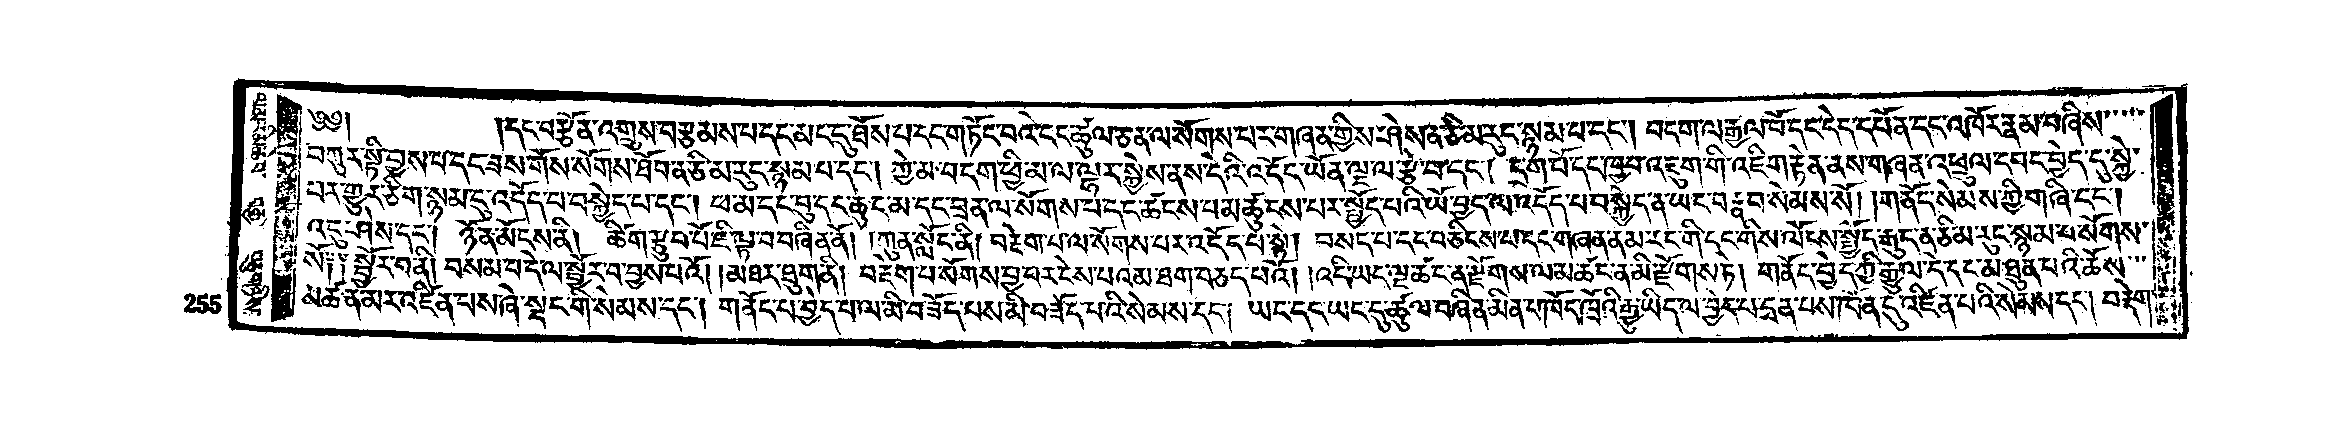༄༅། །དང་བརྩོན་འགྲུས་བརྩམས་པ་དང་མང་དུ་ཐོས་པ་དང་གཏོང་བའི་ངང་ཚུལ་ཅན་ལ་སོགས་པར་གཞན་གྱིས་ཤེས་ན་ཅི་མ་རུང་སྙམ་པ་དང་། བདག་ལ་རྒྱལ་པོ་དང་དེད་དཔོན་དང་འཁོར་རྣམ་བཞིས་
བཀུར་སྟི་བྱས་པ་དང་ཟས་གོས་སོགས་ཐོབ་ན་ཅི་མ་རུང་སྙམ་པ་དང་། ཀྱེ་མ་བདག་ཕྱི་མ་ལ་ལྷར་སྐྱེས་ནས་དེའི་འདོད་ཡོན་ལྔ་ལ་རྩེ་བ་དང་། དྲག་པོ་དང་ཁྱབ་འཇུག་གི་འཇིག་རྟེན་ནས་གཞན་འཕྲུལ་དབང་བྱེད་དུ་སྐྱེ་
པར་གྱུར་ཅིག་སྙམ་དུ་འདོད་པ་བསྐྱེད་པ་དང་། ཕ་མ་དང་བུ་དང་ཆུང་མ་དང་བྲན་ལ་སོགས་པ་དང་ཚངས་པ་མཚུངས་པར་སྤྱོད་པའི་ཡོ་བྱད་ལ་འདོད་པ་བསྐྱེད་ན་ཡང་བརྣབ་སེམས་སོ། །གནོད་སེམས་ཀྱི་གཞི་དང་།
འདུ་ཤེས་དང་། ཉོན་མོངས་ནི། ཚིག་རྩུབ་པོ་ཇི་ལྟ་བ་བཞིན་ནོ། །ཀུན་སློང་ནི། བརྡེག་བ་ལ་སོགས་པར་འདོད་པ་སྟེ། བསད་པ་དང་བཅིངས་པ་དང་གཞན་ནམ་རང་གི་ངང་གིས་ལོངས་སྤྱོད་རྒུད་ན་ཅི་མ་རུང་སྙམ་པ་སོགས་
སོ༑ ༑སྦྱོར་བ་ནི། བསམ་པ་དེ་ལ་སྦྱོར་བ་བྱས་པའོ། །མཐར་ཐུག་ནི། བརྡེག་པ་སོགས་བྱ་བར་ངེས་པའམ་ཐག་བཅད་པའོ། །འདི་ཡང་ལྔ་ཚང་ན་རྫོགས་ལ་མ་ཚང་ན་མི་རྫོགས་ཏེ། གནོད་བྱེད་ཀྱི་རྒྱུ་ལ་དེ་དང་མཐུན་པའི་ཆོས་
མཚན་མར་འཛིན་པས་ཞེ་སྡང་གི་སེམས་དང་། གནོད་པ་བྱེད་པ་ལ་མི་བཟོད་པས་མི་བཟོད་པའི་སེམས་དང་། ཡང་དང་ཡང་དུ་ཚུལ་བཞིན་མིན་པ་ཁོང་ཁྲོའི་རྒྱུ་ཡིད་ལ་བྱེད་པ་དྲན་པས་ཁོ་ན་དུ་འཛིན་པའི་སེམས་དང་། བརྡེག་